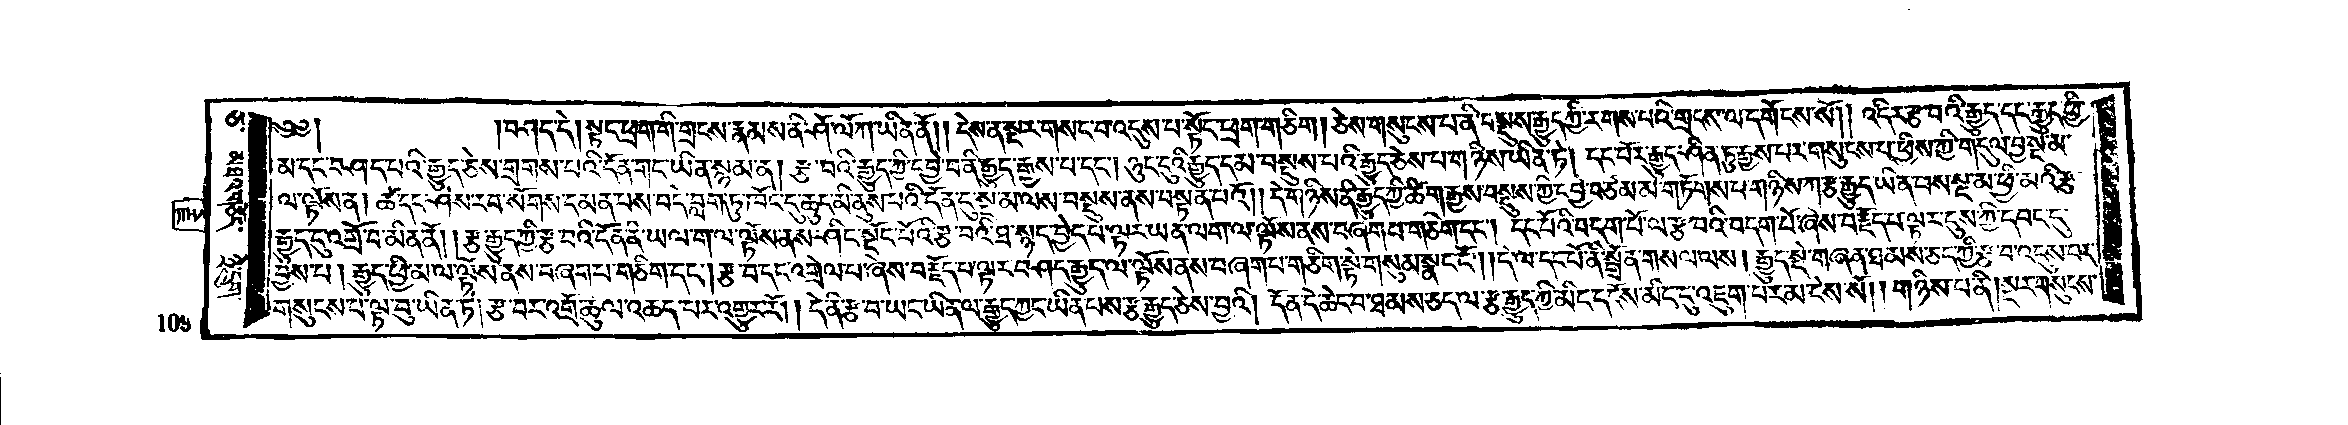༄༅། །བཤད་དེ། སྟོང་ཕྲག་གི་གྲངས་རྣམས་ནི་ཤོ་ལོ་ཀ་ཡིན་ནོ། །དེས་ན་སྔར་གསང་བ་འདུས་པ་སྟོང་ཕྲག་གཅིག །ཅེས་གསུངས་པ་ནི་བསྡུས་རྒྱུད་ཀྱི་རགས་པའི་གྲངས་ལ་དགོངས་སོ། །འདིར་རྩ་བའི་རྒྱུད་དང་རྒྱུད་ཕྱི་
མ་དང་བཤད་པའི་རྒྱུད་ཅེས་གྲགས་པའི་དོན་གང་ཡིན་སྙམ་ན། རྩ་བའི་རྒྱུད་ཀྱི་དབྱེ་བ་ནི་རྒྱུད་རྒྱས་པ་དང་། ཉུང་ངུའི་རྒྱུད་དམ་བསྡུས་པའི་རྒྱུད་ཅེས་པ་གཉིས་ཡིན་ཏེ། དང་པོར་རྒྱུད་ཤིན་ཏུ་རྒྱས་པར་གསུངས་པ་ཕྱིས་ཀྱི་གདུལ་བྱ་སྔ་མ་
ལ་ལྟོས་ན། ཚ་དང་ཤེས་རབ་སོགས་དམན་པས་བདེ་བླག་ཏུ་ཁོང་དུ་ཆུད་མི་ནུས་པའི་དོན་དུ་སྔ་མ་ལས་བསྡུས་ནས་བསྟན་པའོ། །དེ་གཉིས་ནི་རྒྱུད་ཀྱི་ཚིག་རྒྱས་བསྡུས་ཀྱི་དབྱེ་བ་ཙམ་མ་གཏོགས་པ་གཉིས་ཀ་རྩ་རྒྱུད་ཡིན་པས་སྔ་མ་ཕྱི་མའི་རྩ་
རྒྱུད་དུ་འགྲོ་བ་མིན་ནོ། །རྩ་རྒྱུད་ཀྱི་རྩ་བའི་དོན་ནི་ཡལ་ག་ལ་ལྟོས་ནས་ཤིང་སྡོང་པོའི་རྩ་བའི་ཐ་སྙད་བྱེད་པ་ལྟར་ཡན་ལག་ལ་ལྟོས་ནས་བཞག་པ་གཅིག་དང་། དང་པོའི་བདག་པོ་ལ་རྩ་བའི་བདག་པོ་ཞེས་བརྗོད་པ་ལྟར་དུས་ཀྱི་དབང་དུ་
བྱས་པ། རྒྱུད་ཕྱི་མ་ལ་ལྟོས་ནས་བཞག་པ་གཅིག་དང་། རྩ་བ་དང་འགྲེལ་པ་ཞེས་བརྗོད་པ་ལྟར་བཤད་རྒྱུད་ལ་ལྟོས་ནས་བཞག་པ་གཅིག་སྟེ་གསུམ་སྣང་ངོ། །དེ་ལ་དང་པོ་ནི་སྒྲོན་གསལ་ལས། རྒྱུད་སྡེ་གཞན་ཐམས་ཅད་ཀྱི་རྩ་བ་འདུས་པར་
གསུངས་པ་ལྟ་བུ་ཡིན་ཏེ། རྩ་བར་འགྲོ་ཚུལ་འཆད་པར་འགྱུར་རོ། །དེ་ནི་རྩ་བ་ཡང་ཡིན་ལ་རྒྱུད་ཀྱང་ཡིན་པས་རྩ་རྒྱུད་ཅེས་བྱའི། དོན་དེ་ཚང་བ་ཐམས་ཅད་ལ་རྩ་རྒྱུད་ཀྱི་མིང་དངོས་མིང་དུ་འཇུག་པར་མ་ངེས་སོ། །གཉིས་པ་ནི། སྔར་གསུངས་